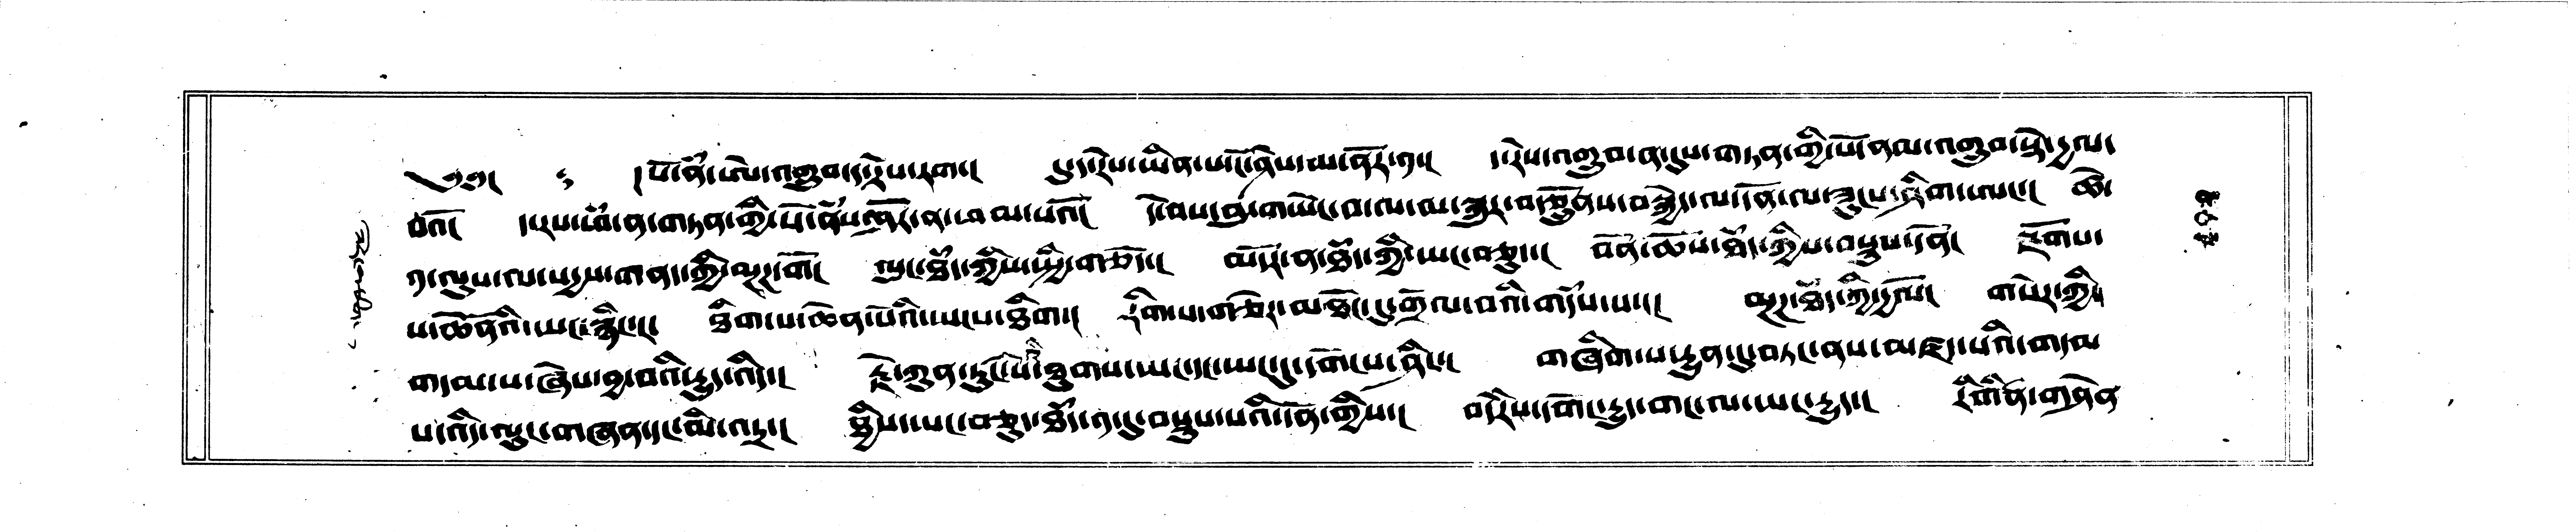སོ་ནམ་ཨེ་འགྲུབ་ད་ལེན་རག དུས་ད་རེ་ཡིན་པས་ངོ་ཤེས་མ་ནོར་ཞིག ད་རེ་འགྲུབ་ན་དུས་གཏན་གྱིས་སོ་ནམ་འགྲུབ་སྟེ་རྒྱལ་
བའོ། ད་རེས་ཕམ་ན་གཏན་གྱིས་སོ་ནམ་ཤོར་ནས་ཕམ་པའོ། དེ་བས་བུ་གཡེང་པ་ལ་མ་སྐུར་བརྩོན་འགྲུས་བསྐྱེད་ལ་དོན་ལ་ཟུངས་ཤིག་ཨང་། ཚེ་
གཅིག་ལུས་གཅིག་ལ་སངས་རྒྱས་པ་གནད་ཀྱིས་མེན་ངག་གོ། ལུང་ཐམས་ཅད་ཀྱིས་སྤྱི་གཅོད། མདོ་ཐམས་ཅད་ཀྱིས་ཡང་བཅུད། བོན་ཆོས་ཐམས་ཅད་ཀྱིས་བསྡུ་དོན། རྫོགས་
པ་ཆེན་པོའི་ཡང་སྙིང་། ཐེག་པ་ཆེན་པོའི་ཡང་ཐུས། རིག་པ་གཅེར་མཐོང་དུ་གྲོལ་པའི་གདམ་པ། མེན་ངག་ཐམས་ཅད་ཀྱིས་རྒྱལ་པོ་གསེར་གྱིས་
གདམ་པ་ཞེས་བྱ་བའི་རྒྱུད་འདི། རྗེ་ཀུན་དུ་བཟང་པོའི་ཐུགས་ཡང་དང་ཡང་དུ་དགོངས་ཤིང་། གཞིག་པར་རྒྱུན་དུ་བཏང་ནས་མཛད་པའི་གདམ་
པ་འདི། ལུང་གཞན་དང་མི་འདྲ། ཐུགས་ཀྱི་ཡང་བཅུད་ཐམས་ཅད་ཅིག་ཏུ་བསྡུས་པའི་དོན་གྱིས། བདེར་གཤེགས་གང་ལ་ཡང་མ་བརྒྱུད། རིག་འཛིན་གཤེན་